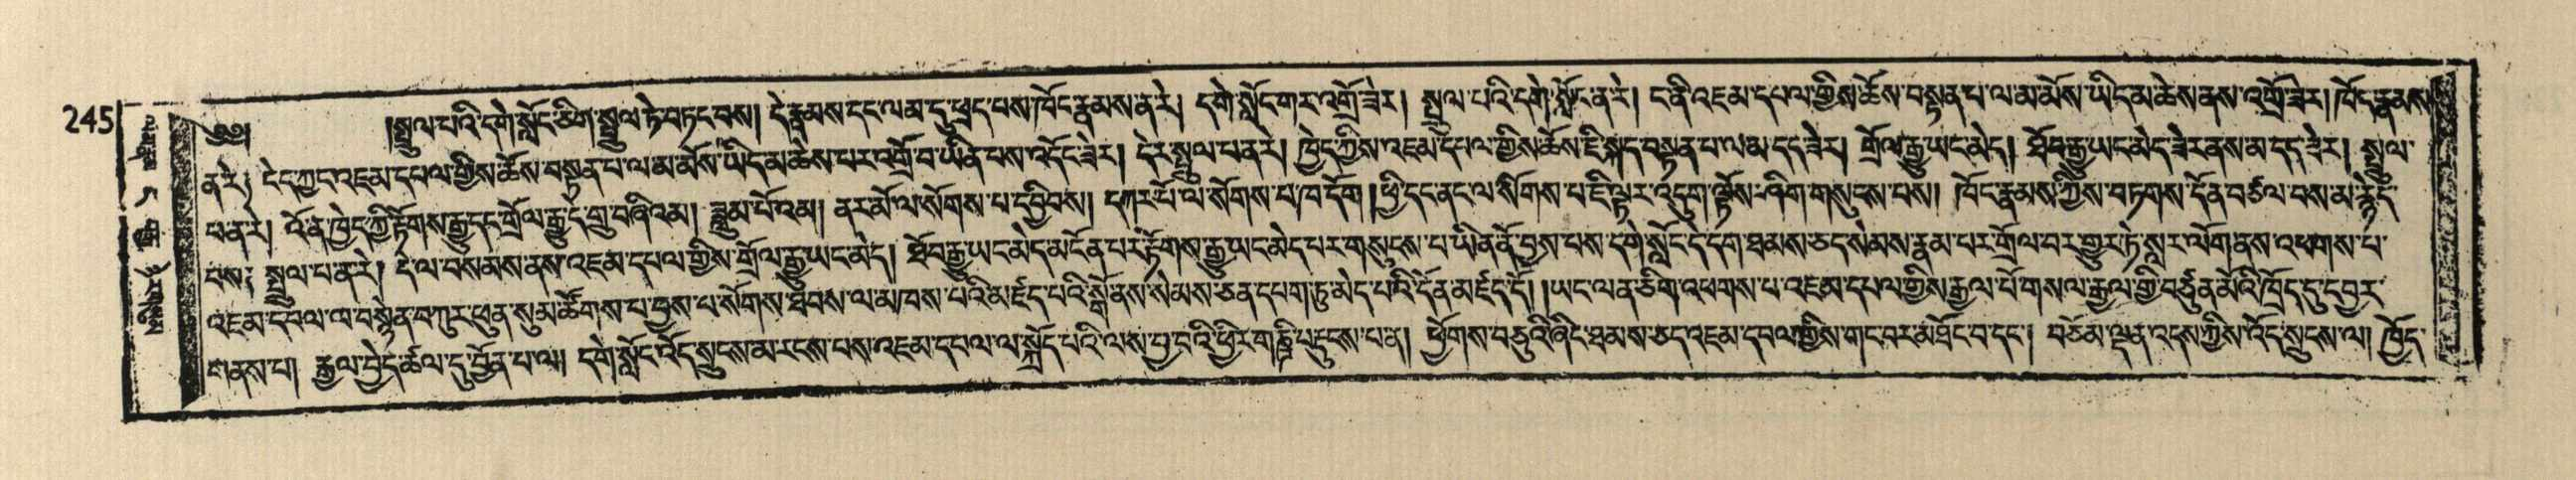༄༅། །སྤྲུལ་པའི་དགེ་སློང་ཅིག་སྦྲུལ་ཏེ་བཏང་བས། དེ་རྣམས་དང་ལམ་དུ་ཕྲད་པས་ཁོང་རྣམས་ན་རེ། དགེ་སློང་གར་འགྲོ་ཟེར། སྤྲུལ་པའི་དགེ་སློང་ན་རེ། ང་ནི་འཇམ་དཔལ་གྱིས་ཆོས་བསྟན་པ་ལ་མ་མོས་ཡིད་མ་ཆེས་ནས་འགྲོ་ཟེར། ཁོང་རྣམས་
ན་རེ༑ ངེད་ཀྱང་འཇམ་དཔལ་གྱིས་ཆོས་བསྟན་པ་ལ་མ་མོས་ཡིད་མ་ཆེས་པར་འགྲོ་བ་ཡིན་པས་འདོང་ཟེར། དེར་སྤྲུལ་པ་ན་རེ། ཁྱེད་ཀྱིས་འཇམ་དཔལ་གྱིས་ཆོས་ཇི་སྐད་བསྟན་པ་ལམ་དད་ཟེར། གྲོལ་རྒྱུ་ཡང་མེད། ཐོབ་རྒྱུ་ཡང་མེད་ཟེར་ནས་མ་དད་ཟེར། སྤྲུལ་
པ་ན་རེ། འོ་ན་ཁྱེད་ཀྱི་རྟོགས་རྒྱུ་དང་གྲོལ་རྒྱུ་དེ་གྲུ་བཞིའམ། ཟླུམ་པོའམ། ནར་མོ་ལ་སོགས་པ་དབྱིབས། དཀར་པོ་ལ་སོགས་པ་ཁ་དོག །ཕྱི་དང་ནང་ལ་སོགས་པ་ཇི་ལྟར་འདུག་ལྟོས་ཤིག་གསུངས་པས། ཁོང་རྣམས་ཀྱིས་བཏགས་དོན་བཙལ་བས་མ་རྙེད་
པས༑ སྤྲུལ་པ་ན་རེ། དེ་ལ་བསམས་ནས་འཇམ་དཔལ་གྱིས་གྲོལ་རྒྱུ་ཡང་མེད། ཐོབ་རྒྱུ་ཡང་མེད་མངོན་པར་རྟོགས་རྒྱུ་ཡང་མེད་པར་གསུངས་པ་ཡིན་ནོ་བྱས་པས་དགེ་སློང་དེ་དག་ཐམས་ཅད་སེམས་རྣམ་པར་གྲོལ་བར་གྱུར་ཏེ་སླར་ལོག་ནས་འཕགས་པ་
འཇམ་དཔལ་ལ་བསྙེན་བཀུར་ཕུན་སུམ་ཚོགས་པ་བྱས་པ་སོགས་ཐབས་ལ་མཁས་པའི་མཛད་པའི་སྒོ་ནས་སེམས་ཅན་དཔག་ཏུ་མེད་པའི་དོན་མཛད་དོ། །ཡང་ལན་ཅིག་འཕགས་པ་འཇམ་དཔལ་གྱིས་རྒྱལ་པོ་གསལ་རྒྱལ་གྱི་བཙུན་མོའི་ཁྲོད་དུ་དབྱར་
གནས་པ། རྒྱལ་བྱེད་ཚལ་དུ་བྱོན་པ་ལ། དགེ་སློང་འོད་སྲུངས་མ་རངས་བས་འཇམ་དཔལ་ལ་སྐྲོད་པའི་ལས་བྱ་བའི་ཕྱིར་གཎྜི་བརྡུངས་པ་ན། ཕྱོགས་བཅུའི་ཞིང་ཐམས་ཅད་འཇམ་དཔལ་གྱིས་གང་བར་མཐོང་བ་དང་། བཅོམ་ལྡན་འདས་ཀྱིས་འོངས་སྲུངས་ལ། ཁྱོད་